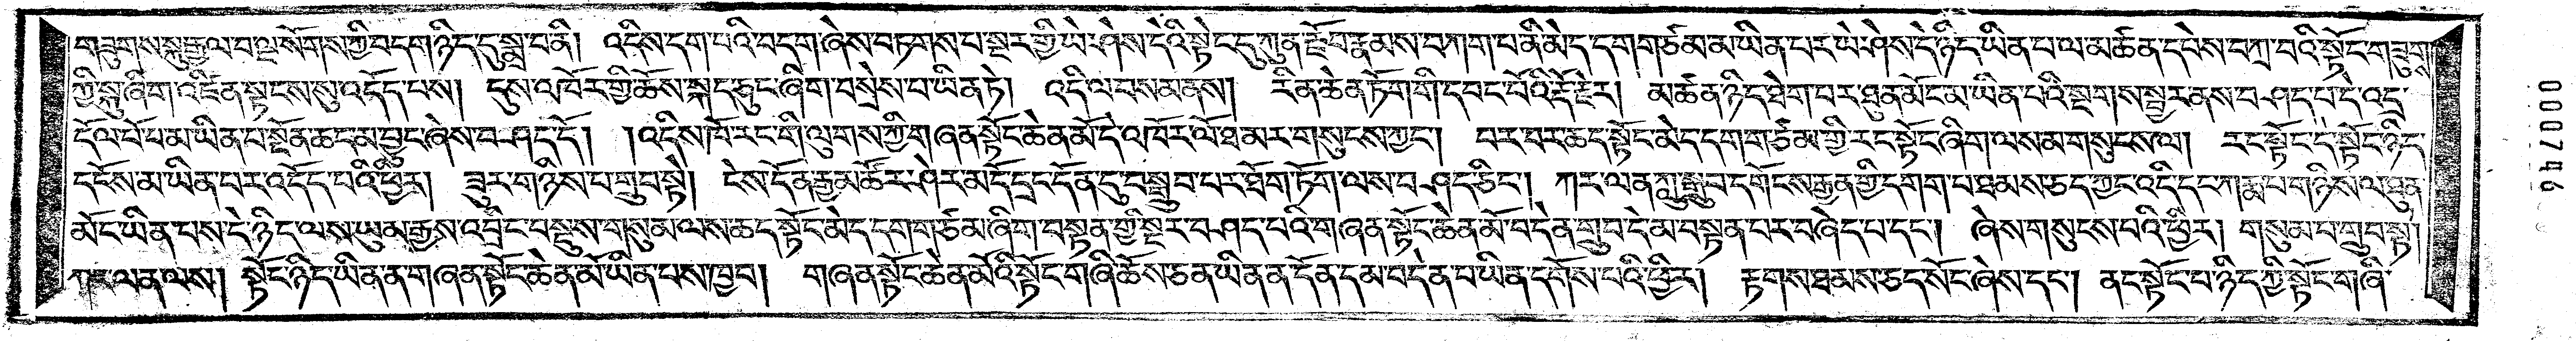གཟུགས་སྐུ་རྒྱལ་བ་ལྔ་སོགས་ཀྱི་བདག་ཉིད་དུ་སྨྲ་བ་ནི། འདིས་དག་པའི་བདག་ཞེས་བཏགས་པ་སྔར་གྱི་ཡེ་ཤེས་དེའི་སྟེང་དུ་ཀུན་རྫོབ་རྣམས་བཀག་པ་ནི་མེད་དགག་ཙམ་མ་ཡིན་པར་ཡེ་ཤེས་དེ་ཉིད་ཡིན་པ་ལ་མཚན་དཔེས་བཀྲ་བའི་སྟོང་གཟུགས་
ཀྱི་སྐུ་ཞིག་འཛིན་སྟངས་སུ་འདོད་པས། དུས་འཁོར་གྱི་ཆོས་སྐད་ཅུང་ཞིག་བསྲེས་པ་ཡིན་ཏེ། འདི་ལ་བསམ་ནས། རིན་ཆེན་ཏོག་གི་དབང་པོའི་རྡོ་རྗེར། མཚན་ཉིད་ཐེག་པར་ཐུན་མོང་མ་ཡིན་པའི་སྔགས་སྦྱར་ནས་བཤད་པ་དེ་འདྲ་
དོལ་པོ་པ་མ་ཡིན་པ་སྔོན་ཆད་མ་བྱུང་ཞེས་བཤད་དོ། །འདིས་ཁོ་རང་གི་ལུགས་ཀྱི་གཞན་སྟོང་ཆེན་མོ་དེ་འཁོར་ལོ་ཐ་མར་གསུངས་ཀྱང་། བར་པར་ཆད་སྟོང་མེད་དགག་ཙམ་གྱི་རང་སྟོང་ཞིག་ལས་མ་གསུངས་ལ། རང་སྟོང་དེ་སྟོང་ཉིད་
དངོས་མ་ཡིན་པར་འདོད་པའི་ཕྱིར། ཟུར་གཉིས་པ་གྲུབ་སྟེ། ངེས་དོན་རྒྱ་མཚོར་ཤེར་མདོ་དྲང་དོན་དུ་བསྒྲུབ་པར་ཐོག་ཏོག་ལས་བཤད་ཅིང་། ཀར་ལན་ཀླུ་སྒྲུབ་དགོངས་རྒྱན་གྱི་དགག་པ་ཐམས་ཅད་ཀྱང་འདི་དང་ཀརྨ་པ་གཉིས་ལ་ཐུན་
མོང་ཡིན་པས་དེ་ཉིད་ལས་ཡུམ་རྒྱས་འབྲིང་བསྡུས་གསུམ་ལས་ཆད་སྟོང་མེད་དགག་ཙམ་ཞིག་བསྟན་གྱི་སྔར་བཤད་པའི་གཞན་སྟོང་ཆེན་མོ་བདེན་གྲུབ་དེ་མ་བསྟན་པར་བཞེད་པ་དང་། ཞེས་གསུངས་པའི་ཕྱིར། གསུམ་པ་གྲུབ་སྟེ།
ཀར་ལན་ལས། སྟོང་ཉིད་ཡིན་ན་གཞན་སྟོང་ཆེན་མོ་ཡིན་པས་ཁྱབ། གཞན་སྟོང་ཆེན་མོའི་སྟོང་གཞི་ཆོས་ཅན་ཡིན་ན་དོན་དམ་བདེན་པ་ཡིན་དགོས་པའི་ཕྱིར། རྟགས་ཐམས་ཅད་སོང་ཞེས་དང་། ནང་སྟོང་པ་ཉིད་ཀྱི་སྟོང་གཞི་